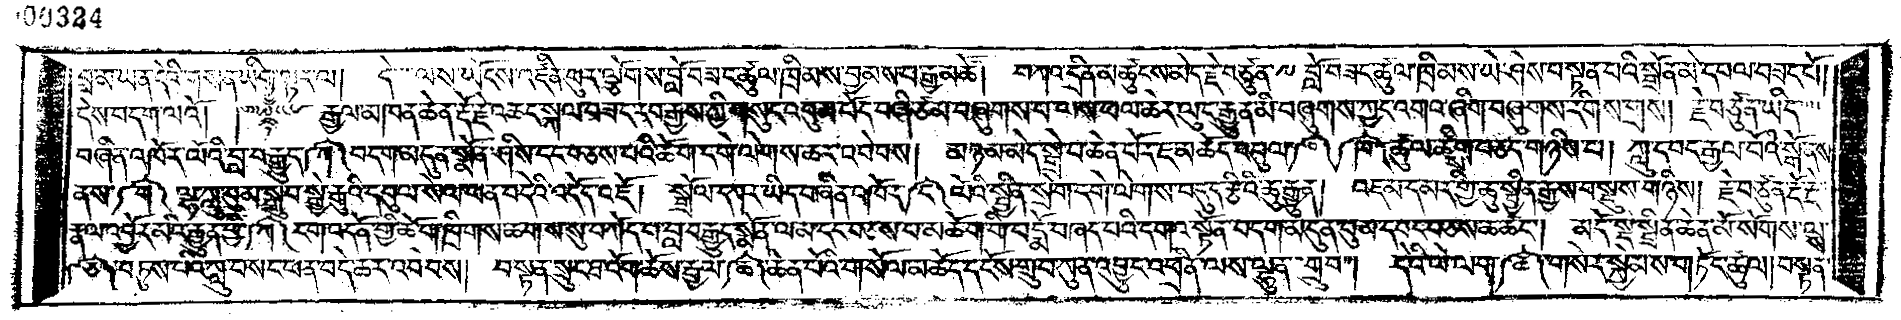བླ་མ་ཡན་དེའི་གསན་ཡིག་ལྟར་ལ། དེ་ལས་ཡོངས་འཛིན་ཕུར་ལྕོགས་བློ་བཟང་ཚུལ་ཁྲིམས་བྱམས་པ་རྒྱ་མཚོ། བཀའ་དྲིན་མཚུངས་མེད་རྗེ་བཙུན ༧་བློ་བཟང་ཚུལ་ཁྲིམས་ཡེ་ཤེས་བསྟན་པའི་སྒྲོན་མེ་དཔལ་བཟང་པོ།
དེས་བདག་ལའོ། །༈ རྒྱལ་མཁན་ཆེན་རྡོ་རྗེ་འཆང་སྐལ་བཟང་རབ་རྒྱས་ཀྱི་གསུང་འབུམ་བོད་བཞི་ཙམ་བཞུགས་པ་ལས་ཕལ་ཆེར་ལུང་རྒྱུན་མི་བཞུགས་ཀྱང་འགའ་ཞིག་བཞུགས་རིགས་གྲས། རྗེ་བཙུན་ཡིད་
བཞིན་འཁོར་ལོའི་བླ་བརྒྱུད ༼ཀ༽ བདག་མདུན་སྨོན་ཤིས་དང་བཅས་པའི་ཆོ་ག་དགེ་ལེགས་ཆར་འབེབས། མཉམ་མེད་སྒྲེ་བ་ཆེན་པོར་ཇ་མཆོད་འབུལ ༼༠༽༼ཁ༽ ཚུལ་ཚིགས་བཅད་གཉིས་པ། ཀླུ་དབང་རྒྱལ་པོའི་སྒོ་ནས་
ནས ༼ག༽ ལྷ་ཀླུ་བུམ་སྒྲུབ་སྒྱེ་རྒུའི་དབུལ་སེལ་ཕན་བདེའི་འདོད་འཇོ། སྒྲོལ་དཀར་ཡིད་བཞིན་འཁོར ༼ང༽ ལོའི་སྦྱིན་སྲེག་དགེ་ལེགས་བདུད་རྩིའི་ཆུ་རྒྱུན། འཇམ་དམར་གྱི་ཆུ་སྦྱིན་རྒྱས་བསྡུས་གཉིས། རྗེ་བཙུན་རྡོ་རྗེ་
རྣལ་འབྱོར་མའི་རྒྱུན་གྱི ༼ཀ༽ ངག་འདོན་གྱི་ཆོ་ག་ཁྲིགས་ཆགས་སུ་བཀོད་པ་བླ་བརྒྱུད་སྨོན་ལམ་དང་བཅས་པ་མཆོག་གི་པདམོ་བཞད་པའི་དགའ་སྟོན་བདག་མདུན་བུམ་དབང་བཅས་ཆ་ཚང་། མདོ་སྡེ་སྤྲིན་ཆེན་མོ་སོགས་ལས་
༼ཅ༽ བཏུས་པའི་ཀླུ་བསང་ཕན་བདེ་ཆར་འབེབས། བསྟན་སྲུང་ཐ་འོག་ཆོས་རྒྱལ ༼ཆ༽ ཆེན་པོའི་གསོལ་མཆོད་དངོས་གྲུབ་ཀུན་འབྱུང་འཕྲིན་ལས་ལྷུན་གྲུབ། དེའི་ལེ་ལག ༼ཆ༽ གསེར་སྐྱེམས་གཏོང་ཚུལ། བསྟན་